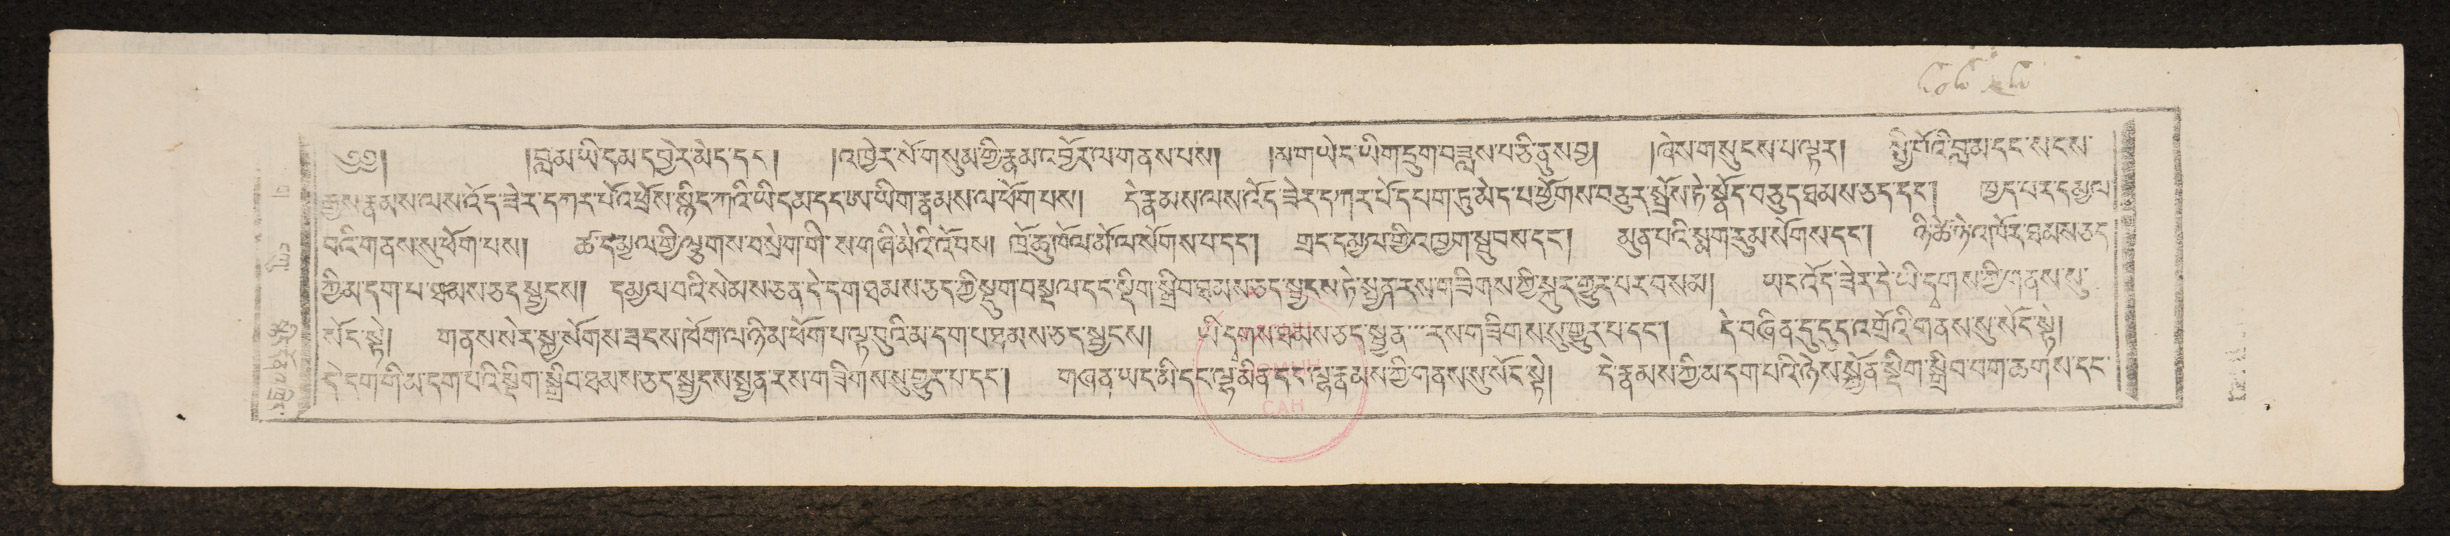༄༅། །བླ་མ་ཡི་དམ་དབྱེར་མེད་དང་། །འཁྱེར་སོ་གསུམ་གྱི་རྣམ་འབྱོར་ལ་གནས་པས། །མ་གཡེང་ཡིག་དྲུག་བཟླས་པ་ཅི་ནུས་བྱ། །ཞེས་གསུངས་པ་ལྟར། སྤྱི་བོའི་བླ་མ་དང་སངས་
རྒྱས་རྣམས་ལས་འོད་ཟེར་དཀར་པོ་འཕྲོས་སྙིང་ཀའི་ཡི་དམ་དང་ཨ་ཡིག་རྣམས་ལ་ཕོག་པས། དེ་རྣམས་ལས་འོད་ཟེར་དཀར་པོ་དཔག་ཏུ་མེད་པ་ཕྱོགས་བཅུར་སྤྲོས་ཏེ་སྣོད་བཅུད་ཐམས་ཅད་དང་། ཁྱད་པར་དམྱལ་
བའི་གནས་སུ་ཕོག་པས། ཚ་དམྱལ་གྱི་ལྕགས་བསྲེག་གི་ས་གཞི་མེའི་འབོས། ཁྲོ་ཆུ་ཁོལ་མོ་ལ་སོགས་པ་དང་། གྲང་དམྱལ་གྱི་འཁྱག་སྦུབས་དང་། མུན་པའི་སྨག་རུམ་སོགས་དང་། ཉི་ཚེ་ཉེ་འཁོར་ཐམས་ཅད་
ཀྱི་མ་དག་པ་ཐམས་ཅད་སྦྱངས། དམྱལ་བའི་སེམས་ཅན་དེ་དག་ཐམས་ཅད་ཀྱི་སྡུག་བསྔལ་དང་སྡིག་སྒྲིབ་ཐམས་ཅད་སྦྱངས་ཏེ་སྤྱན་རས་གཟིགས་ཀྱི་སྐུར་གྱུར་པར་བསམ། ཡང་འོད་ཟེར་དེ་ཡི་དྭགས་ཀྱི་གནས་སུ་
སོང་སྟེ། གནས་སེར་སྐྱ་སོགས་ཟངས་ཁོག་ལ་ཉི་མ་ཕོག་པ་ལྟ་བུའི་མ་དག་པ་ཐམས་ཅད་སྦྱངས། ཡི་དྭགས་ཐམས་ཅད་སྤྱན་རས་གཟིགས་སུ་གྱུར་པ་དང་། དེ་བཞིན་དུ་དུད་འགྲོའི་གནས་སུ་སོང་སྟེ།
དེ་དག་གི་མ་དག་པའི་སྡིག་སྒྲིབ་ཐམས་ཅད་སྦྱངས་སྤྱན་རས་གཟིགས་སུ་གྱུར་པ་དང་། གཞན་ཡང་མི་དང་ལྷ་མིན་དང་ལྷ་རྣམས་ཀྱི་གནས་སུ་སོང་སྟེ། དེ་རྣམས་ཀྱི་མ་དག་པའི་ཉེས་སྐྱོན་སྡིག་སྒྲིབ་བག་ཆགས་དང་